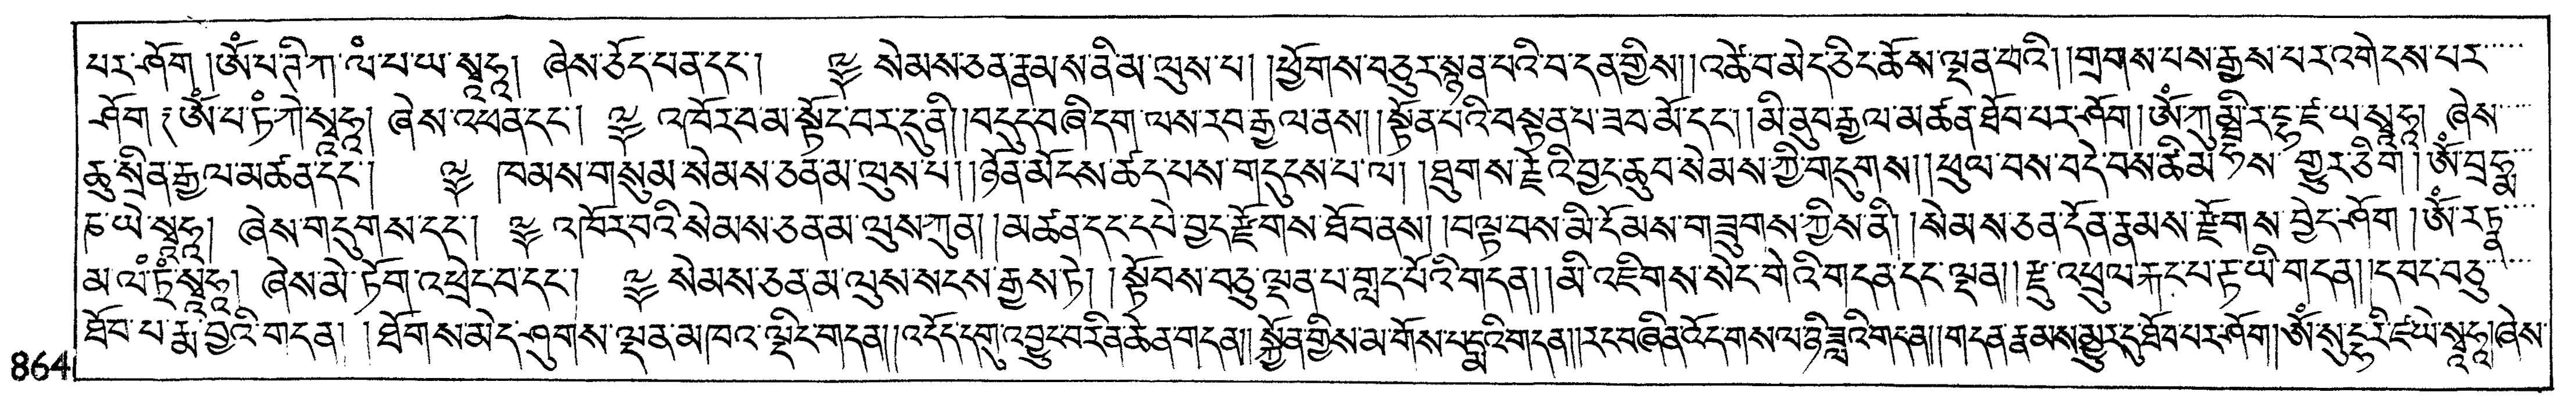པར་ཤོག །ཨོཾ་པ་ཊི་ཀ་ལཾ་པ་ཡ་སྭཱཧཱ། ཞེས་ཅོད་པན་དང་། ༈ སེམས་ཅན་རྣམས་ནི་མ་ལུས་པ། །ཕྱོགས་བཅུར་སྙན་པའི་བ་དན་གྱིས། །འཚེ་བ་མེད་ཅིང་ཆོས་ལྡན་པའི། །གྲགས་པས་རྒྱས་པར་འགེངས་པར་
ཤོག ༑ཨོཾ་པ་ཏཾ་ཀེ་སྭཱཧཱ། ཞེས་འཕན་དང་། ༈ འཁོར་བ་མ་སྟོང་བར་དུ་ནི། །བདུད་བཞི་དག་ལས་རབ་རྒྱལ་ནས། །སྟོན་པའི་བསྟན་པ་ཟབ་མོ་དང་། །མི་ནུབ་རྒྱལ་མཚན་ཐོབ་པར་ཤོག །ཨོཾ་ཀུམྦྷི་ར་དྷ་ཛ་ཡ་སྭཱཧཱ། ཞེས་
ཆུ་སྲིན་རྒྱལ་མཚན་དང་། ༈ ཁམས་གསུམ་སེམས་ཅན་མ་ལུས་པ། །ཉོན་མོངས་ཚད་པས་གདུངས་པ་ལ། །ཐུགས་རྗེའི་བྱང་ཆུབ་སེམས་ཀྱི་གདུགས། །ཕུལ་བས་བདེ་བས་ཚིམས་གྱུར་ཅིག །ཨོཾ་བྲཧྨ་
ཎ་ཡེ་སྭཱཧཱ། ཞེས་གདུགས་དང་། ༈ འཁོར་བའི་སེམས་ཅན་མ་ལུས་ཀུན། །མཚན་དང་དཔེ་བྱད་རྫོགས་ཐོབ་ནས། །བལྟ་བས་མི་ངོམས་གཟུགས་ཀྱིས་ནི། །སེམས་ཅན་དོན་རྣམས་རྫོགས་བྱེད་ཤོག །ཨོཾ་རཏྣ་
མ་ལཾ་ཏྲཾ་སྭཱཧཱ། ཞེས་མེ་ཏོག་འཕྲེང་བ་དང་། ༈ སེམས་ཅན་མ་ལུས་སངས་རྒྱས་ཏེ། །སྟོབས་བཅུ་ལྡན་པ་གླང་པོའི་གདན། །མི་འཇིགས་སེང་གེའི་གདན་དང་ལྡན། །རྫུ་འཕྲུལ་རྐང་པ་རྟ་ཡི་གདན། །དབང་བཅུ་
ཐོབ་པ་རྨ་བྱའི་གདན། །ཐོགས་མེད་ཤུགས་ལྡན་མཁའ་ལྡིང་གདན། །འདོད་དགུ་འབྱུང་བ་རིན་ཆེན་གདན། །སྐྱོན་གྱིས་མ་གོས་པདམའི་གདན། །རང་བཞིན་འོད་གསལ་ཉི་ཟླའི་གདན། །གདན་རྣམས་མྱུར་དུ་ཐོབ་པར་ཤོག །ཨོཾ་སུ་དྷ་རི་ཛ་ཡེ་སྭཱཧཱ། ཞེས་